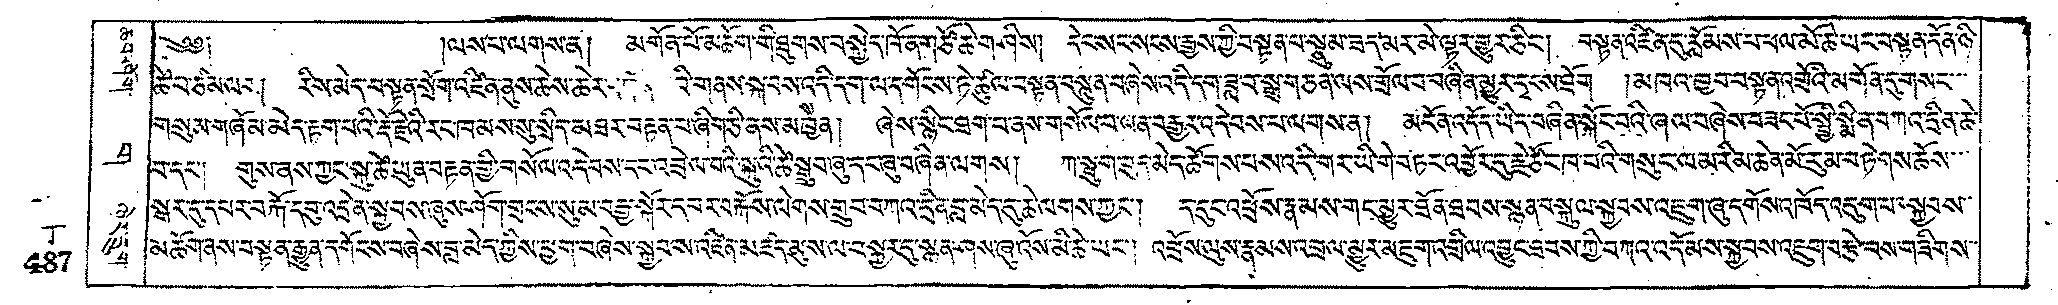༄༅། །ལས་པ་ལགས་ན། མགོན་པོ་མཆོག་གི་ཐུགས་བསྐྱེད་ཁོ་ན་གཙོ་ཆེ་གཤིས། དེང་སང་སངས་རྒྱས་ཀྱི་བསྟན་པ་སྣུམ་ཟད་མར་མེ་ལྟར་གྱུར་ཅིང་། བསྟན་འཛིན་དུ་རློམས་པ་ཕལ་མོ་ཆེ་ཡང་བསྟན་དོན་ཉི་
ཚེ་བ་ཙམ་ལས། རིས་མེད་བསྟན་སྲོག་འཛིན་ནུས་ཆེས་ཆེར་དགོན་པའི་གནས་སྐབས་འདི་དག་ལ་དོངས་ཏེ་ཚུལ་བསྟན་བསྙུན་བཞེས་འདི་དག་ཟླ་བ་སྒྲ་གཅན་ལས་གྲོལ་བ་བཞིན་མྱུར་དྭངས་ཐོག །མཁའ་ཁྱབ་བསྟན་འགྲོའི་མགོན་དུ་གསང་་་
གསུམ་གཞོམ་མེད་རྟག་པའི་རྡོ་རྗེའི་རང་ཁམས་སུ་སྲིད་མཐར་བརྟན་པ་ཞིག་ཅི་ནས་མཁྱཻཨེན། ཞེས་སྙིང་ཐག་པ་ནས་གསོལ་བ་ལན་བརྒྱར་འདེབས་པ་ལགས་ན། མངོན་འདོད་ཡིད་བཞིན་སྐོང་བའི་ཞལ་བཞེས་བཟང་པོ་སྤྱི་སྨིན་བཀའ་དྲིན་ཆེ་
བ་དང་། གུས་ནས་ཀྱང་སྐུ་ཚེ་ཡུན་བརྟན་གྱི་གསོལ་འདེབས་དང་འབྲེལ་བའི་སྐུའི་ཚེ་སྒྲུབ་ཞུ་དང་བཞིན་ལགས། ཀ་སྦུག་བུད་མེད་ཚོགས་པས་འདི་གར་ཡི་གེ་བཏང་འབྱོར་དུ་རྗེ་ཙོང་ཁ་པའི་གསུང་ལ་རིན་ཆེན་མོ་རུམ་བཏེགས་ཆོས་་་
སྒར་དུ་དཔར་བརྐོ་དབུ་འདྲེན་སྐྱབས་ཞུས་ཤོག་གྲངས་སུམ་བརྒྱ་སྐོར་དཔར་བརྐོས་ལེགས་གྲུབ་བཀའ་དྲིན་བླ་མེད་དུ་ཆེ་ལགས་ཀྱང་། ད་དུང་འཕྲོས་རྣམས་གང་མྱུར་ཐོན་ཐབས་སྙན་བསྐུལ་སྐྱབས་འཇུག་ཞུ་དགོས་འཁོད་འདུག་པ ༧སྐྱབས་་་
མཆོག་ནས་བསྟན་རྒྱུན་དགོངས་བཞེས་བླ་མེད་ཀྱིས་ཕྱག་བཞེས་སྐྱབས་འཛིན་མཛད་མུས་ལ་བསྐྱར་དུ་སྙན་ཤས་ཞུ་འོས་མི་ཆེ་ཡང་། འཕྲོས་ལུས་རྣམས་འཕྲལ་མྱུར་མཇུག་འགྲིལ་འབྱུང་ཐབས་ཀྱི་བཀའ་འདོམས་སྐྱབས་འཇུག་བརྩེ་བས་གཟིགས་་་